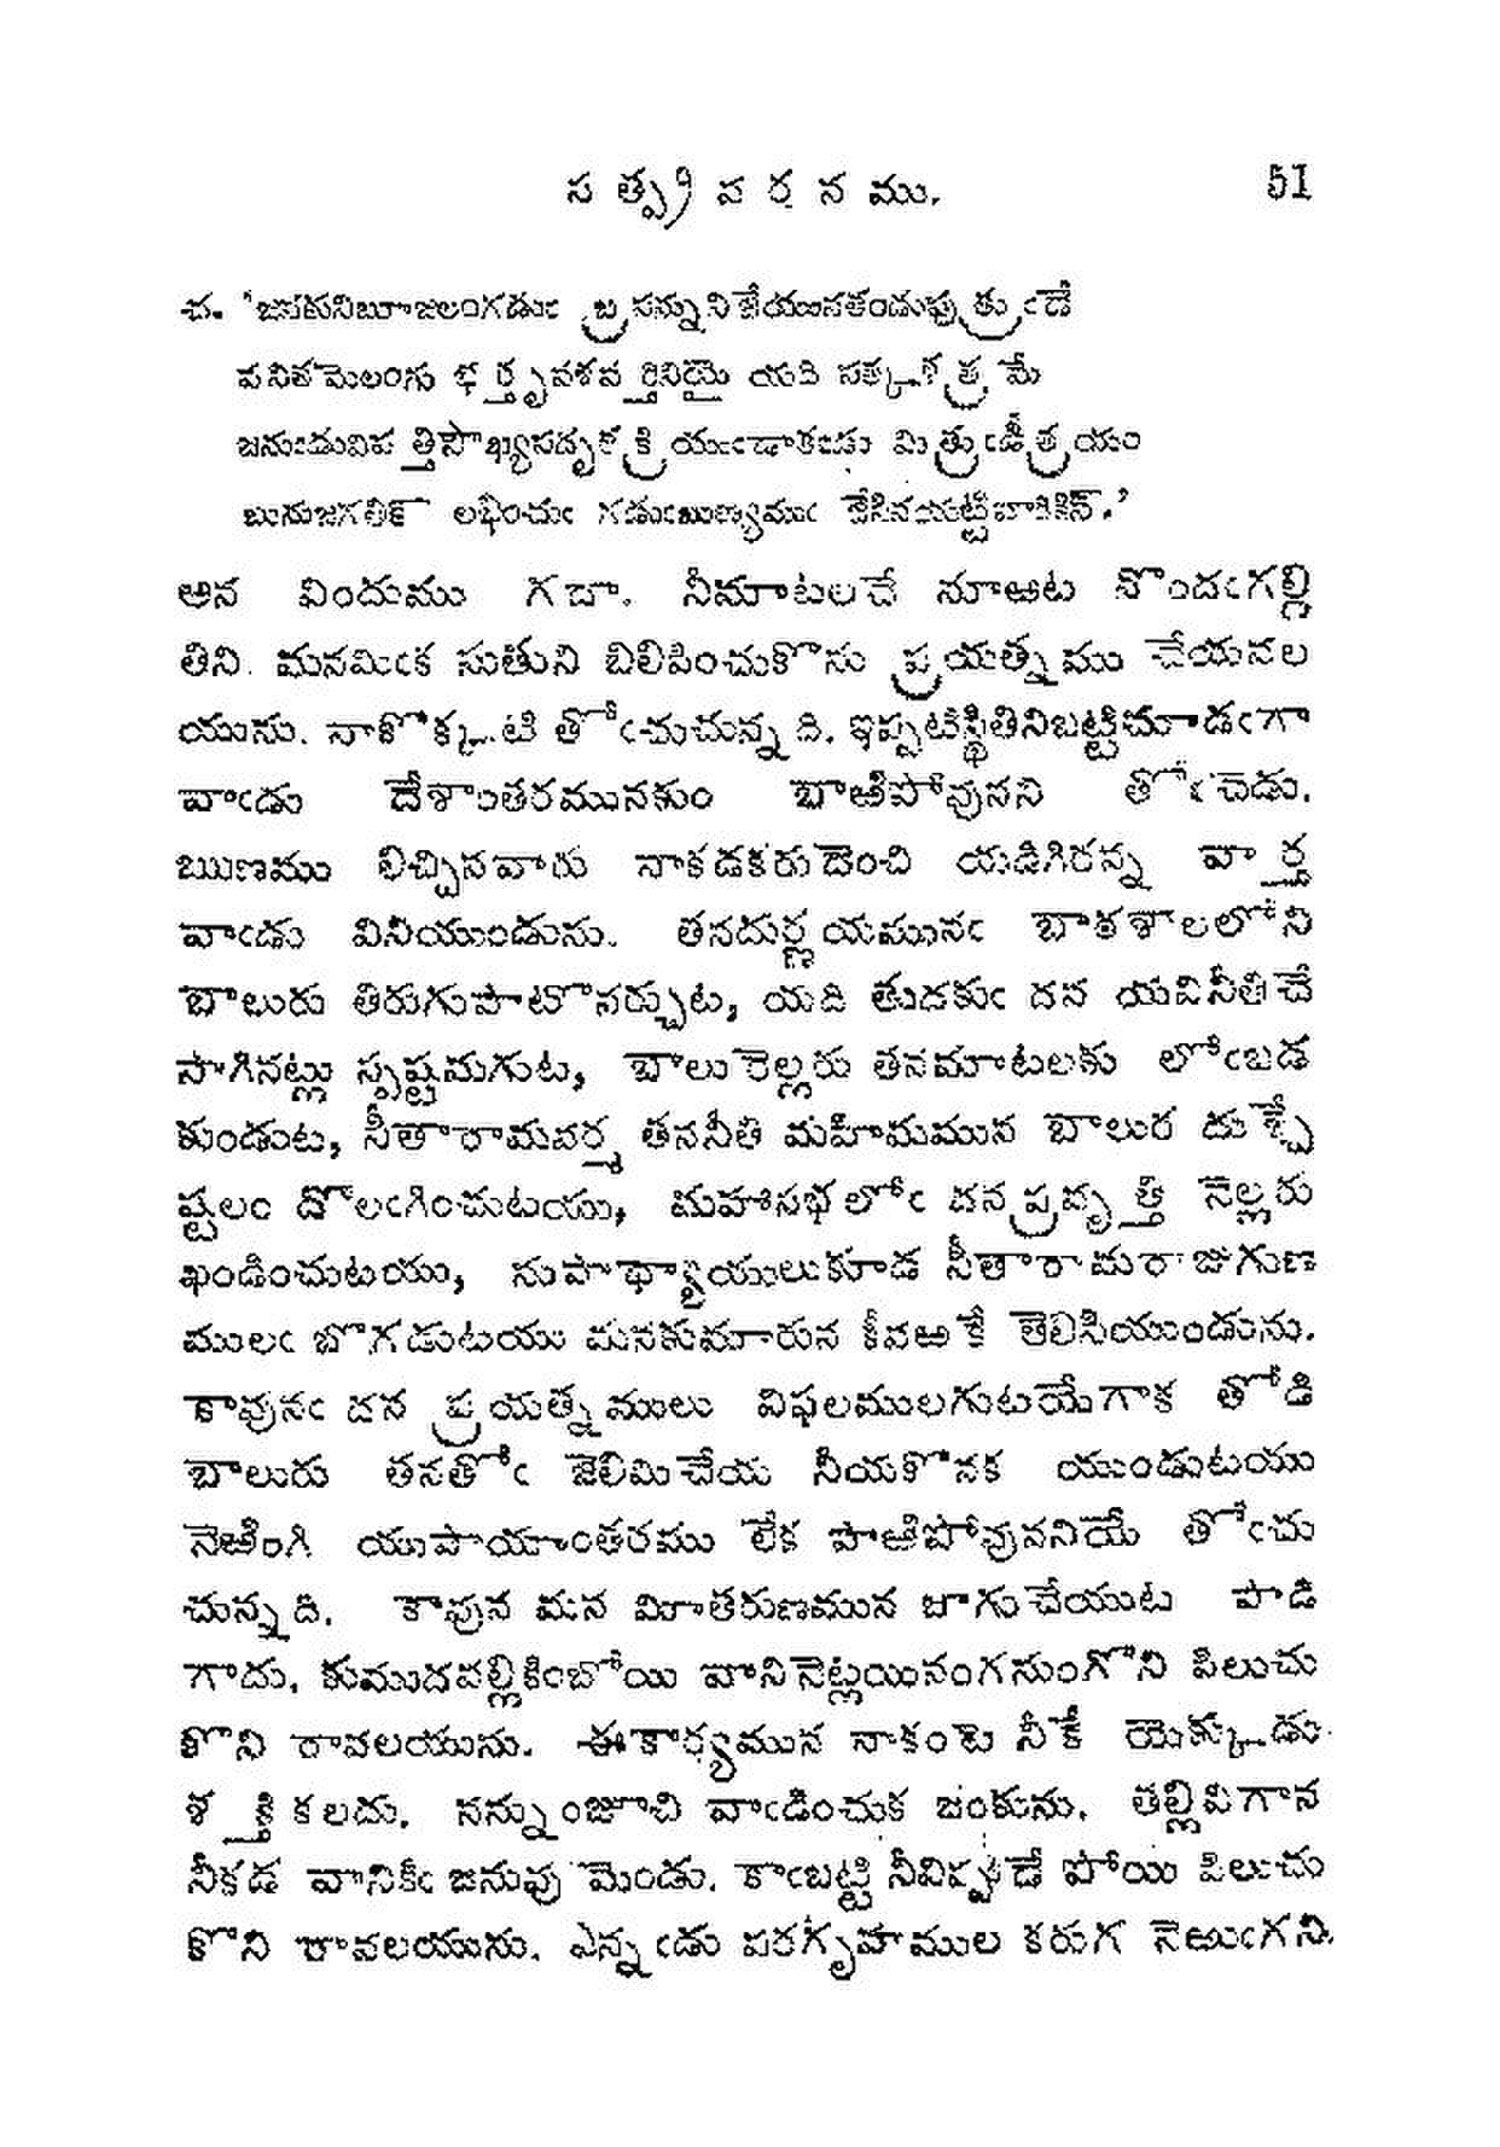చ. 'జనమని బూజలంగడు: బ్రసన్నుని జేయునతండుపుత్రుడే 
పనికమెలంగు భర్తృవశపర్తినియై యది సత్కళత్ర, మే 
జనుఁడువిపత్తిసౌఖ్య సదృశ క్రియఁడాకండు మిత్రుండీ త్రయం 
బునుజగలిన్ లభించుఁ గడుఁబుణ్యము చేసిన యట్టి వారికిన్..' 

అన విందుము గదా. నీమాటలచే నూఱట నొందగల్లి తిని. మనమింక సుతుని బిలిపించుకొను ప్రయత్నము చేయనలయును. నాకొక్కటి తోఁచుచున్నది. ఇప్పటి స్థితినిబట్టి చూడఁగా వాడు దేశాంతరమునకుం బాఱిపోవునని తో చెడు. ఋణము లిచ్చిన వారు నాకడకరు దెంచి యడిగిరన్న వార్త వాడు వినియుండును. తనదుర్లయమునఁ బాఠశాలలోని బాలురు తిరుగుబాటొనర్చుట, యది తుదకుఁ దన యవినీతి చే సొగినట్లు స్పష్టముగుట, బాలు తెల్లరు తనమాటలకు లోఁబడ కుండుట, సీతారామవర్త తననీతి మహిమమున బాలుర దుచ్చేష్టలఁ దొలఁగించుటయు, మహాసభలోఁ దన ప్రవృత్తి సెల్లరు ఖండించుటయు, నుపాధ్యాయులు కూడ సీతారామరాజు గుణములఁ బొగడుటయు మనకుమారున కేవఱకే తెలిసియుండును. కావునఁ దన ప్రయత్నములు విఫలముల గుటయేగాక తోడి బాలురు తనతోఁ జెలిమి చేయనీయ కోనక యుండుటయు నెఱింగి యుపాయాంతరము లేక పొఱిపోవుననియే తోచుచున్నది. కావున మన మీతరుణమున జాగు చేయుట పొడి గాదు, కుముదవల్లి కింబోయి వానినెట్లయినంగనుంగొని పిలుచుకొని రావలయును. ఈ కార్యమున నాకంటే నీకే యెక్కుడు శక్తి కలదు. నన్నుం జూచి వాఁడించుక జంకును, తల్లివి గాన నీకడ వానికి జనువు మెండు. కాఁబట్టి నీవిప్పుడే పోయి పిలుచుకొని రాలయును, ఎన్నఁడు పరగృహముల కరుగ నెఱుఁగని.